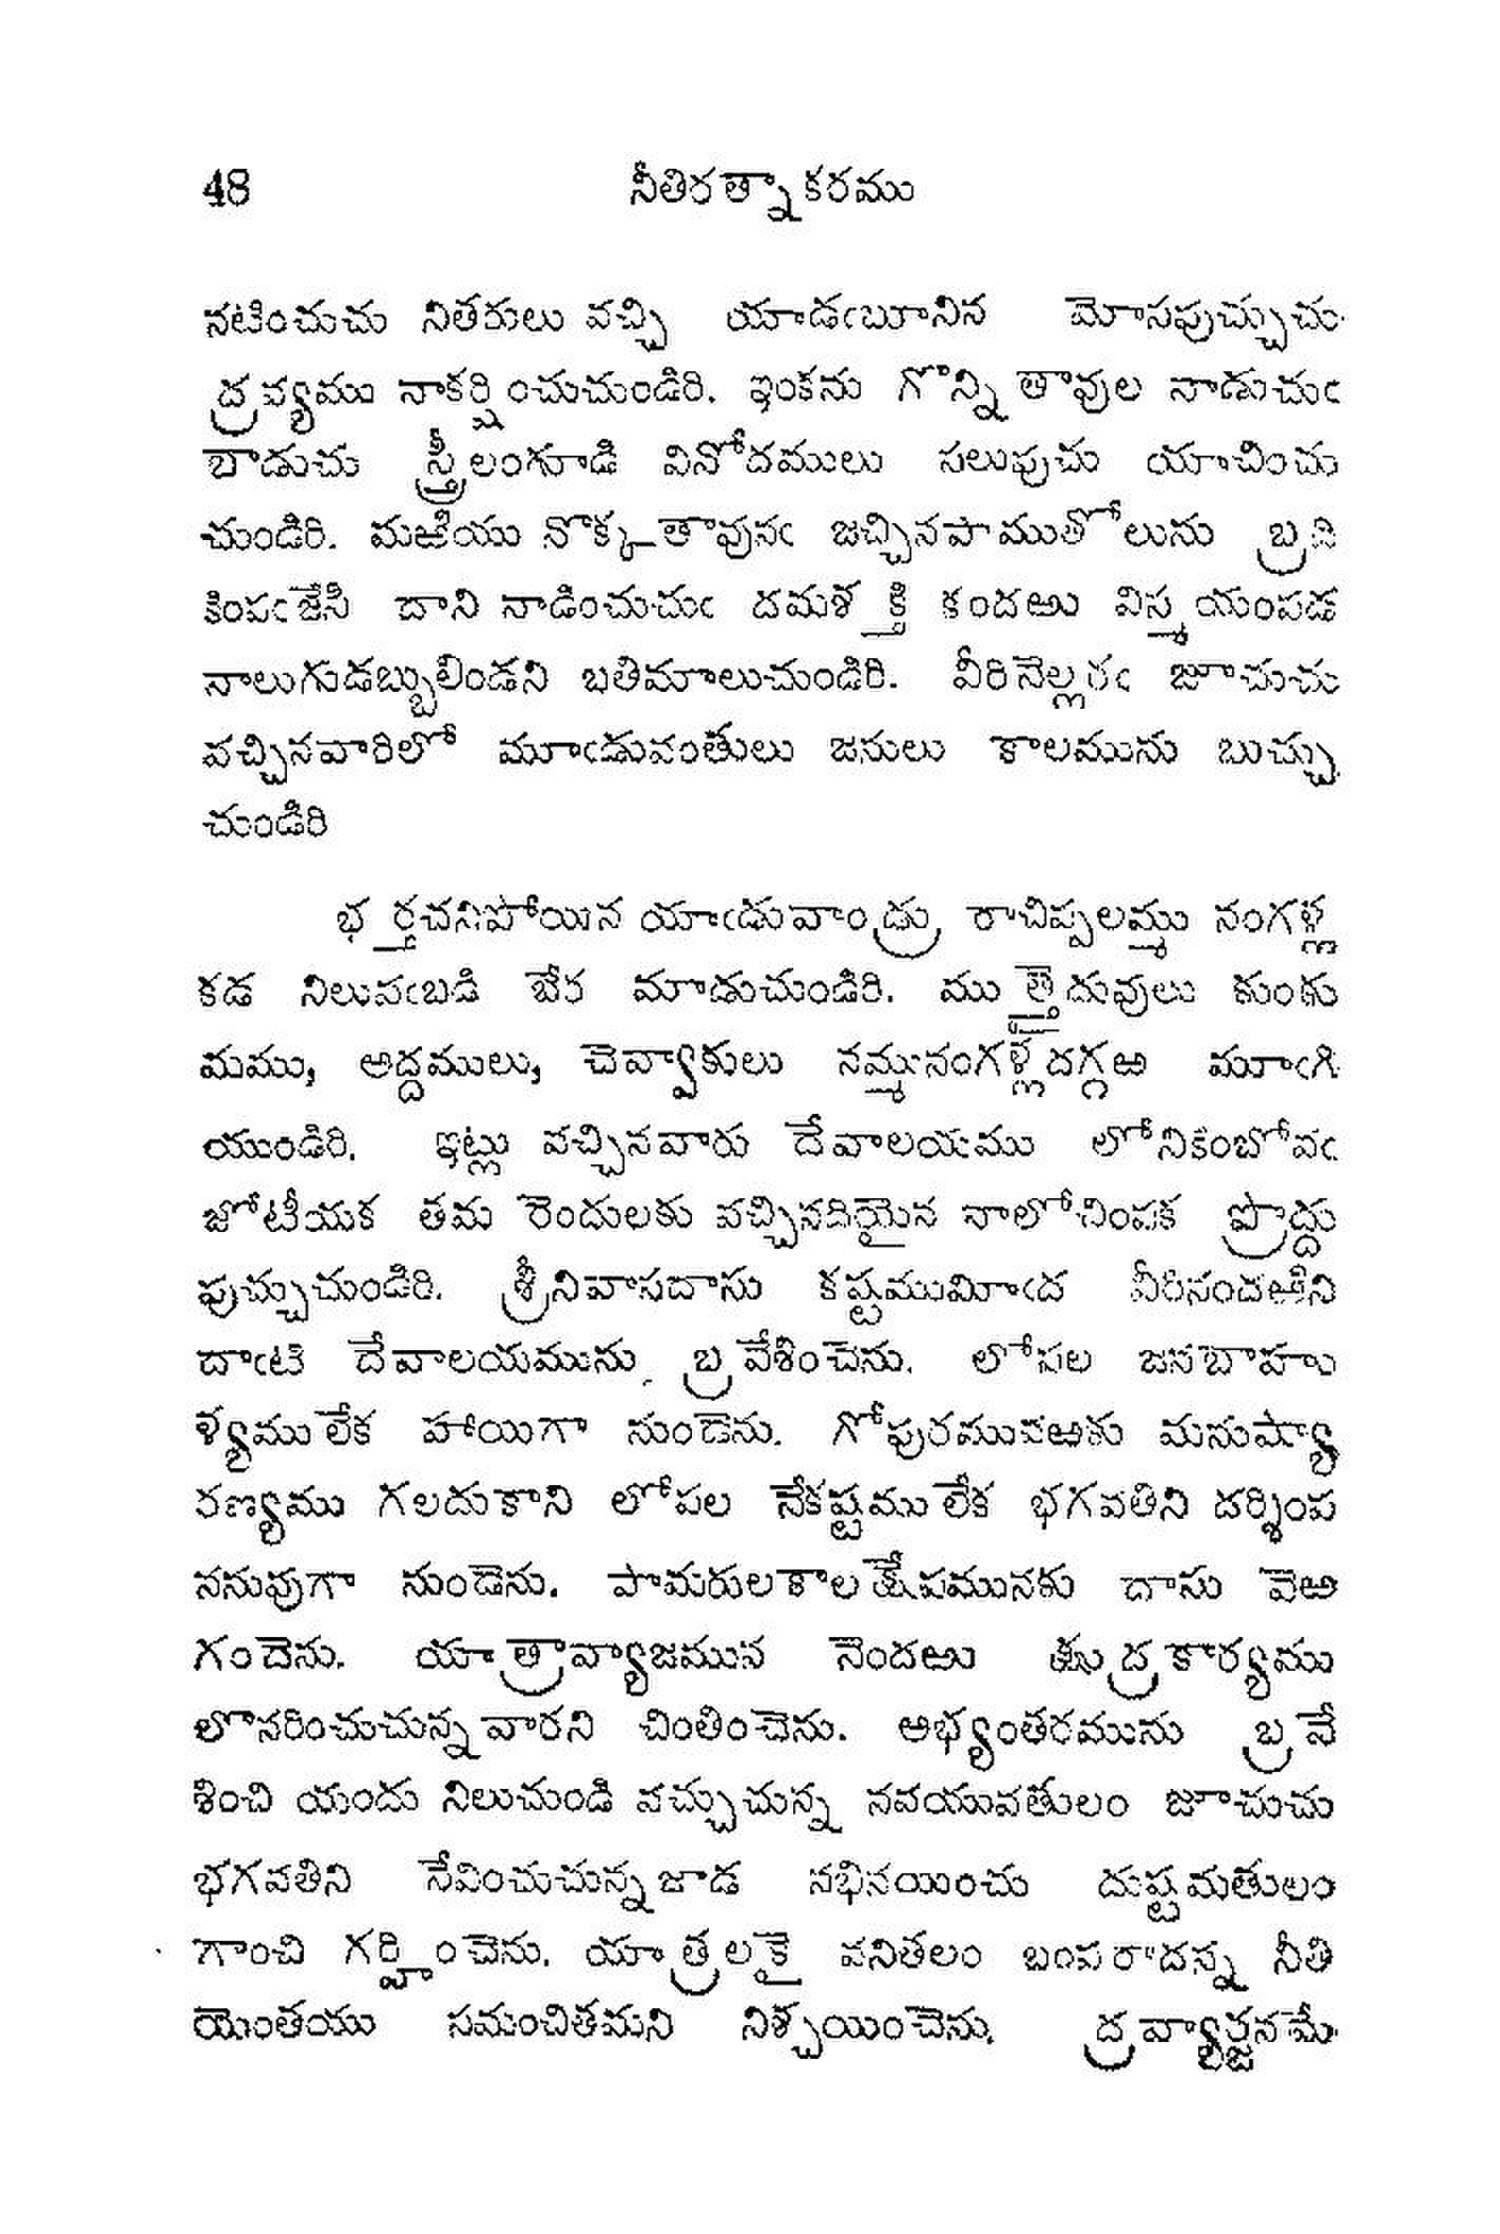నటించుచు నితరులు వచ్చి యాడఁబూనిన మోసపుచ్చుచు ద్రవ్యము నాకర్షించుచుండిరి. ఇంకను గొన్ని తావుల నాడుచుఁ పాడుచు స్త్రీలంగూడి వినోదములు సలుపుచు యాచించు చుండిరి. మఱియు నొక్క తావునఁ జచ్చిన పాముతోలును బ్రతికింపఁ జేసి దాని నాడించుచుఁ దమశక్తి కందఱు విస్మయంపడ నాలుగుడబ్బులిండని బతిమాలుచుండిరి. వీరినెల్లరఁ జూచుచు వచ్చినవారిలో మూఁడువంతులు జనులు కాలమును బుచ్చుచుండిరి

భర్తచనిపోయిన యాఁడువాండ్రు, రాచిప్పలమ్ము నంగళ్ల కడ నిలుసఁబడి బేర మాడుచుండిరి. ముత్తైదువులు కుంకుమము, అద్దములు, చెవ్వాకులు నమ్ము'నంగళ్ల దగ్గఱ మూఁగి యుండిరి. ఇట్లు వచ్చినవారు దేవాలయము లోనికింబోవఁ. జోటీయక తమ రెందులకు వచ్చినదియైన నాలోచించక పొద్దు పుచ్చుచుండిరి. శ్రీనివాసదాసు కష్టముమీఁద వీరినందఱిని దాఁటి దేవాలయమును బ్రవేశించెను. లోపల జన బాహు ళ్యము లేక హాయిగా నుండెను. గోపురమువఱకు మనుష్యా రణ్యము గలదు కాని లోపల నేకష్టము లేక భగవతిని దర్శింప ననువుగా నుండెను. పామరుల కాల క్షేపమునకు దాసు వెఱగందెను. యాత్రావ్యాజమున నెందఱు క్షుద్ర కార్యము లొనరించుచున్న వారని చింతించెను. అభ్యంతరమును బ్రవేశించి యందు నిలుచుండి వచ్చుచున్న నవయువతులం జూచుచు భగవతిని సేవించుచున్న జాడ నభినయించు దుష్టమతులం గాంచి గర్హించెను. యాత్రలకై వనితలం బంప రాదన్న నీతి యెంతయు సమంచితమని నిశ్చయించెను. ద్రవ్యార్జనమే